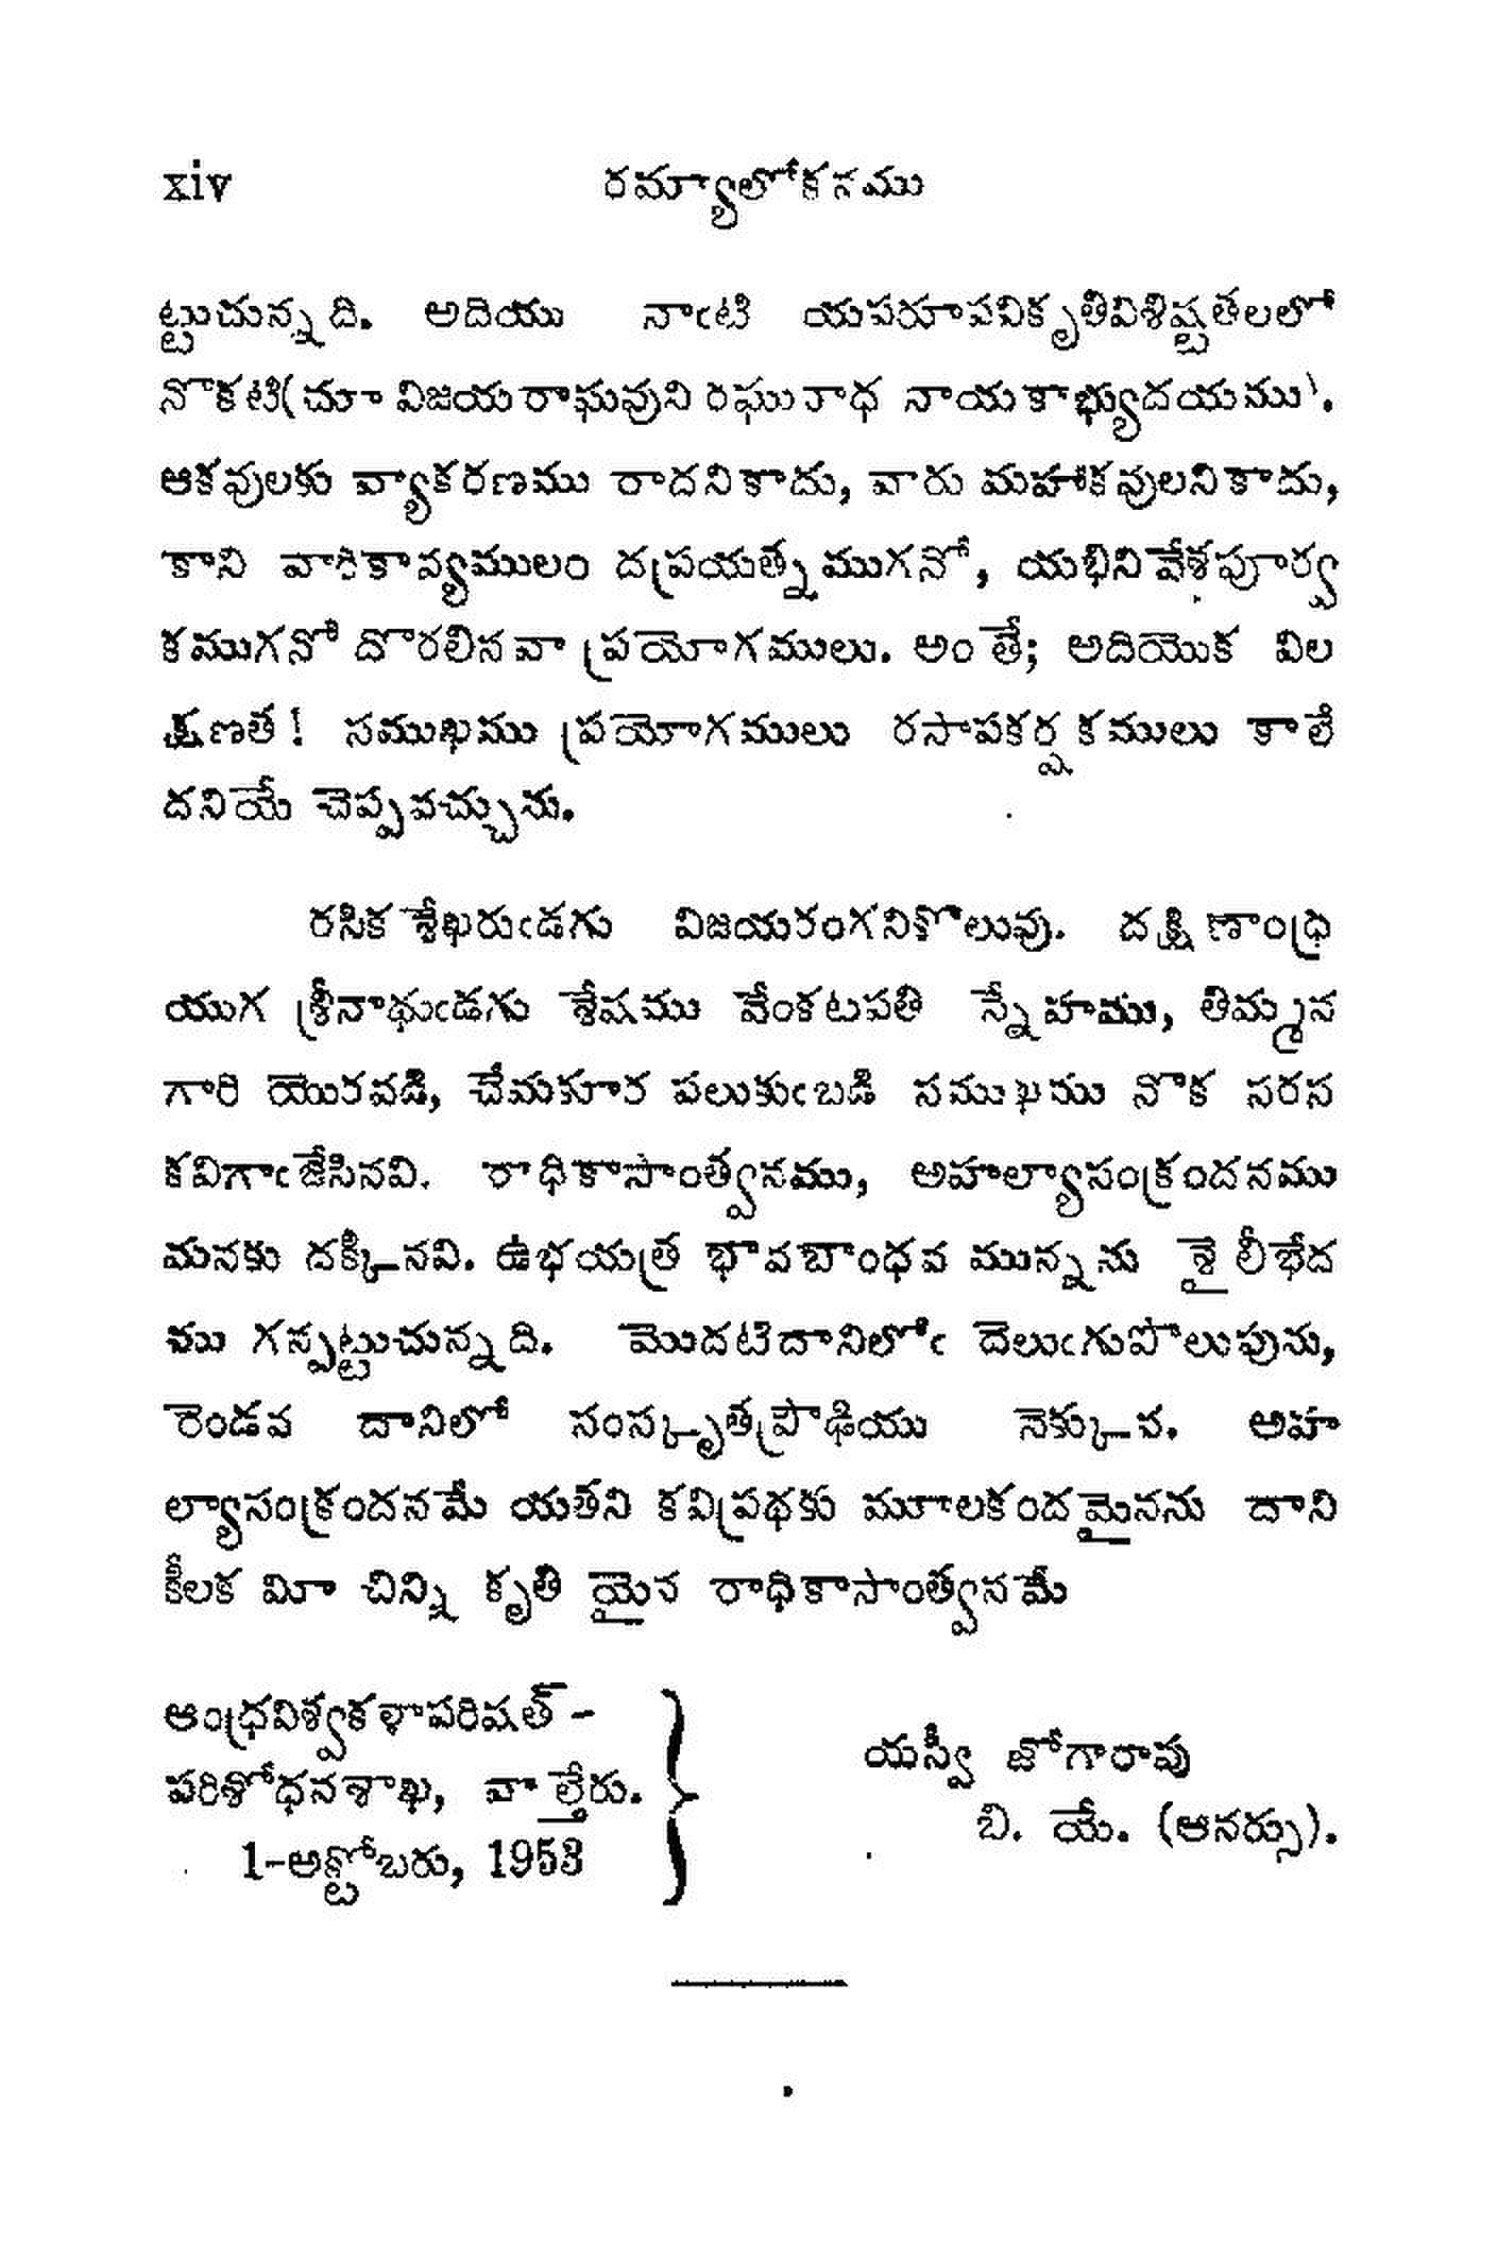ట్టుచున్నది. అదియు నాఁటి యపరూపవికృతివిశిష్టతలలో నొకటి (చూ విజయరాఘవుని రఘునాథనాయకాభ్యుదయము). ఆకవులకు వ్యాకరణము రాదనికాదు, వారు మహాకవులని కాదు, కానీ వారి కావ్యములం దప్రయత్నముగనో, యభినివేశపూర్వకముగనో దొరలిన వా ప్రయోగములు. అంతే; అదియొక విలక్షణత! సముఖము ప్రయోగములు రసాపకర్షకములు కాలేదనియే చెప్పవచ్చును.

రసికశేఖరుఁడగు విజయరంగనికొలువు. దక్షిణాంధ్రయుగ శ్రీనాథుఁడగు శేషము వేంకటపతి స్నేహము, తిమ్మన గారి యొరవడి, చేమకూర పలుకుఁబడి సముఖము నొకసరసకవిగాఁ జేసినవి. రాధికాసాంత్వనము, అహల్యాసంక్రందనము మనకు దక్కినవి. ఉభయత్ర భావబాంధవ మున్నను శైలీభేదము గన్పట్టుచున్నది. మొదటిదానిలోఁ దెలుఁగుపొలుపును, రెండవదానిలో సంస్కృతప్రౌఢియు నెక్కువ. అహల్యాసంక్రందనమే యతని కవిప్రథకు మూలకందమైనను దాని కీలక మీ చిన్నికృతి యైన రాధికాసాంత్వనమే.

ఆంధ్ర విశ్వకళాపరిషత్-
పరిశోధనశాఖ, వాల్తేరు. 
1-అక్టోబరు, 1958